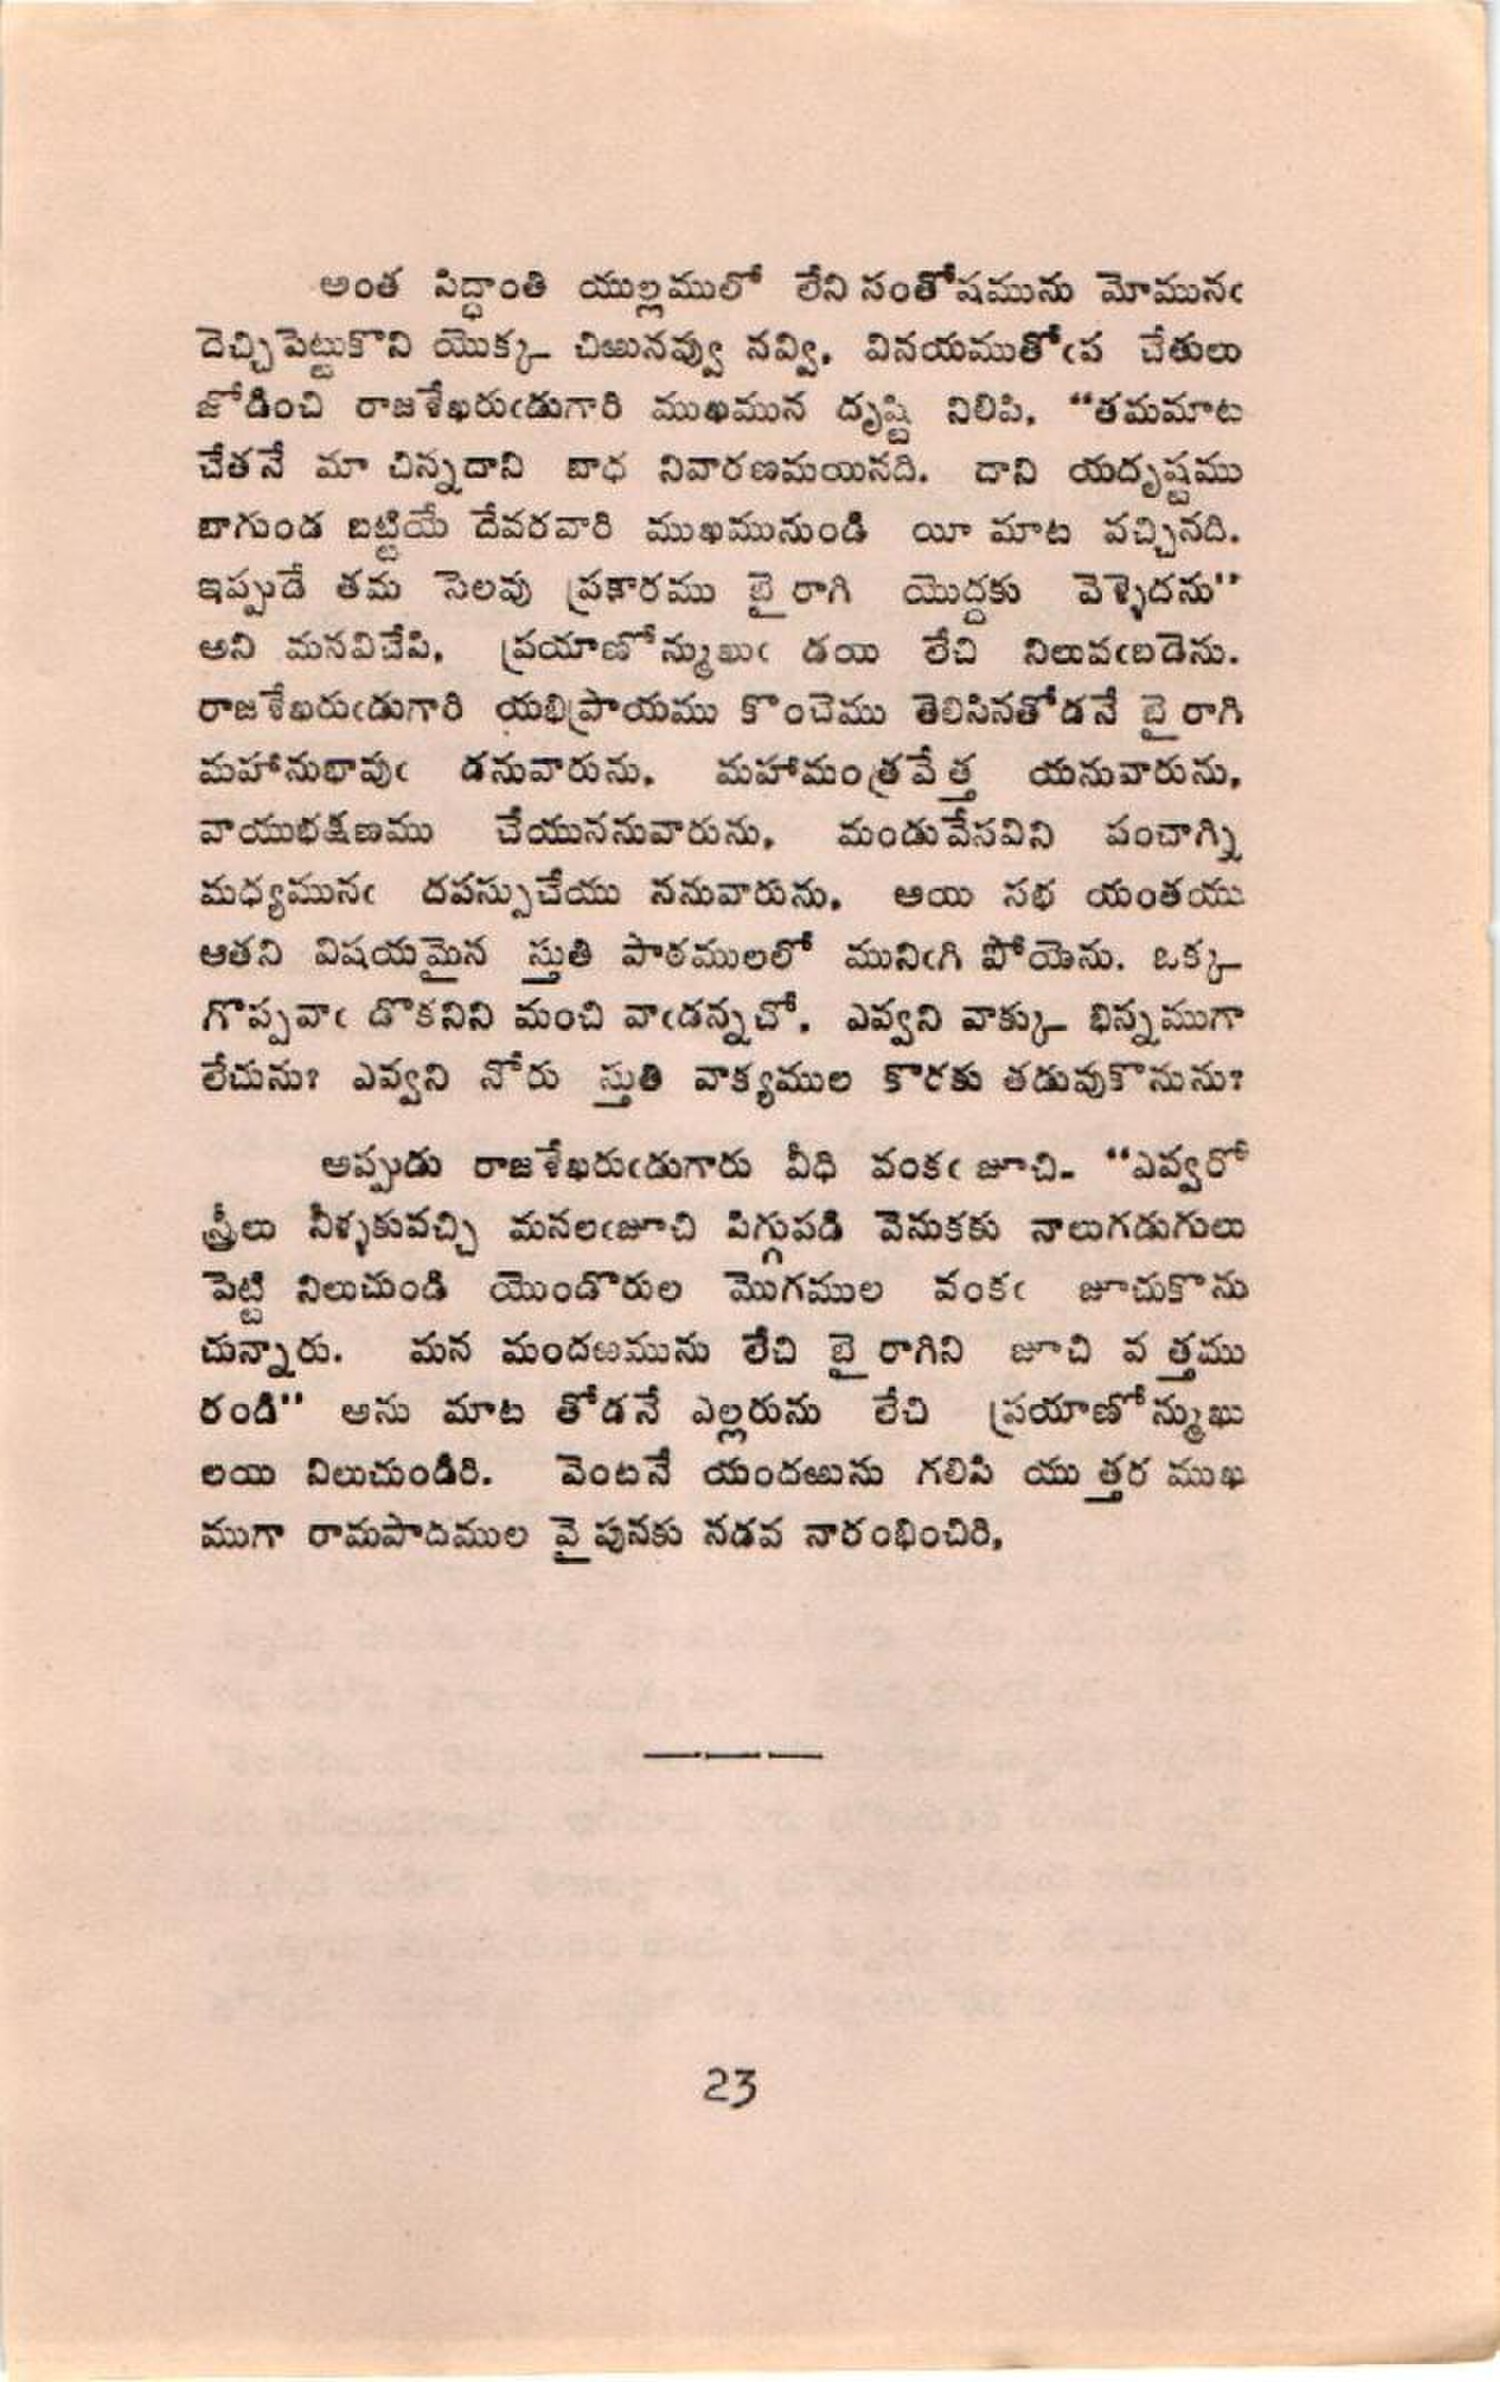అంత సిద్ధాంతి యుల్లములో లేని సంతోషమును మోమునఁ దెచ్చిపెట్టుకొని యొక్క చిఱునవ్వు నవ్వి, వినయముతోఁప చేతులు జోడించి రాజశేఖరుఁడుగారి ముఖమున దృష్టి నిలిపి, "తమ మాట చేతనే మా చిన్నదాని బాధ నివారణమయినదే. దాని యదృష్టము బాగుండ బట్టియే దేవరవారి ముఖమునుండి యీ మాట వచ్చినది. ఇప్పుడే తమ సెలవు ప్రకారము బైరాగి యొద్దకు వెళ్ళెదను" అని మనవిచేసి, ప్రయాణోన్ముఖుఁ డయి లేచి నిలువఁబడెను. రాజశేఖరుఁడుగారి యభిప్రాయము కొంచెము తెలిసినతోడనే బైరాగి మహానుభావుఁ డనువారును, మహామంత్రవేత్త యనువారును, వాయుభక్షణము చేయుననువారును, మండువేసవిని పంచాగ్ని మధ్యమునఁ దపస్సుచేయు ననువారును, అయి సభ యంతయు ఆతని విషయమైన స్తుతి పాఠములలో మునిఁగి పోయెను. ఒక్కగొప్పవాఁ డొకనిని మంచి వాఁడన్నచో, ఎవ్వని వాక్కు భిన్నముగా లేచును? ఎవ్వని నోరు స్తుతి వాక్యముల కొరకు తడువుకొనును?

అప్పడు రాజశేఖరుఁడుగారు వీధి వంకఁ జూచి- "ఎవ్వరో స్త్రీలు నీళ్ళకువచ్చి మనలఁజూచి సిగ్గుపడి వెనుకకు నాలుగడుగులు పెట్టి నిలుచుండి యొండొరుల మొగముల వంకఁ జూచుకొను చున్నారు. మన మందఱమును లేచి బైరాగిని జూచి వత్తము రండి" అను మాట తోడనే ఎల్లరును లేచి ప్రయాణోన్ముఖులయి నిలుచుండిరి. వెంటనే యందఱును గలిపి యుత్తర ముఖముగా రామపాదముల వైపునకు నడవ నారంభించిరి,